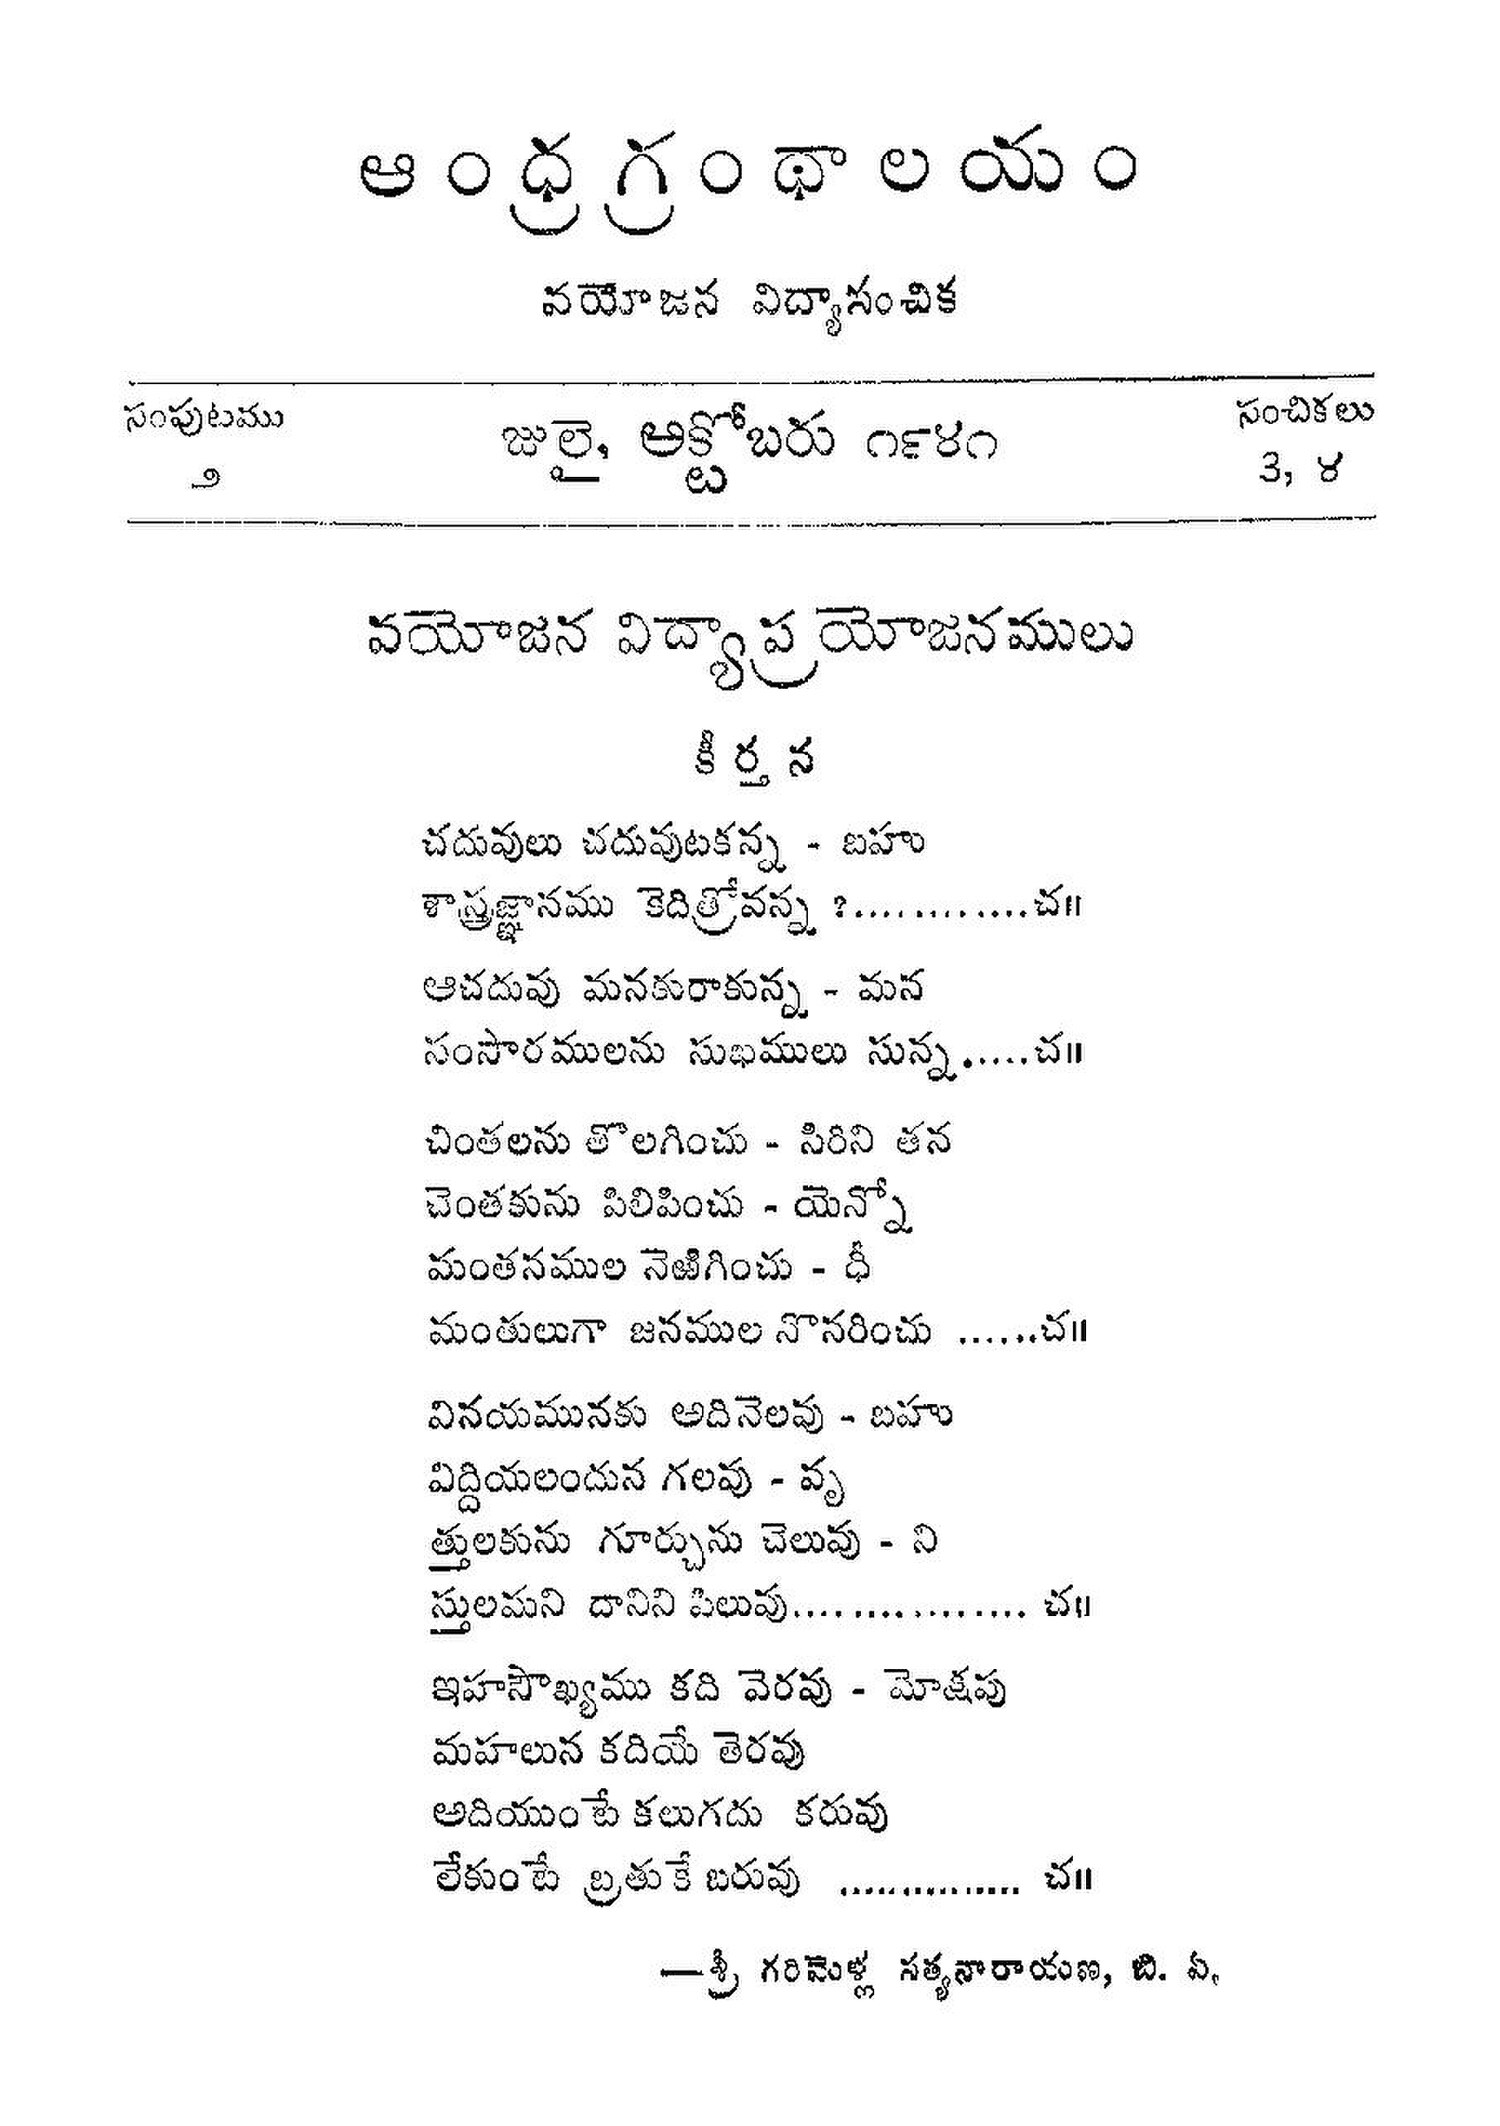చదువులు చదువుటకన్న - బహు
శాస్త్రజ్ఞానము కెదిత్రోవన్న? ......చ॥ 

ఆచదువు మనకురాకున్న - మన
సంసారములను సుఖములు సున్న..... చ॥

చింతలను తొలగించు - సిరిని తన
చెంతకును పిలిపించు - యెన్నో
మంతనముల నెఱిగించు - ధీ 
మంతులుగా జనముల నొనరించు ..... చ॥

వినయమునకు అది నెలవు - బహు
విద్దియలందున గలవు - వృ
త్తులకును గూర్చును చెలువు - ని
స్తులమని దానిని పిలువు ..... చ॥ 

ఇహసౌఖ్యము కది వెరవు - మోక్షపు
మహలున కదియే తెరువు
అదియుంటే కలుగదు కరువు
లేకుంటే బ్రతుకే బరువు ..... .......చ॥